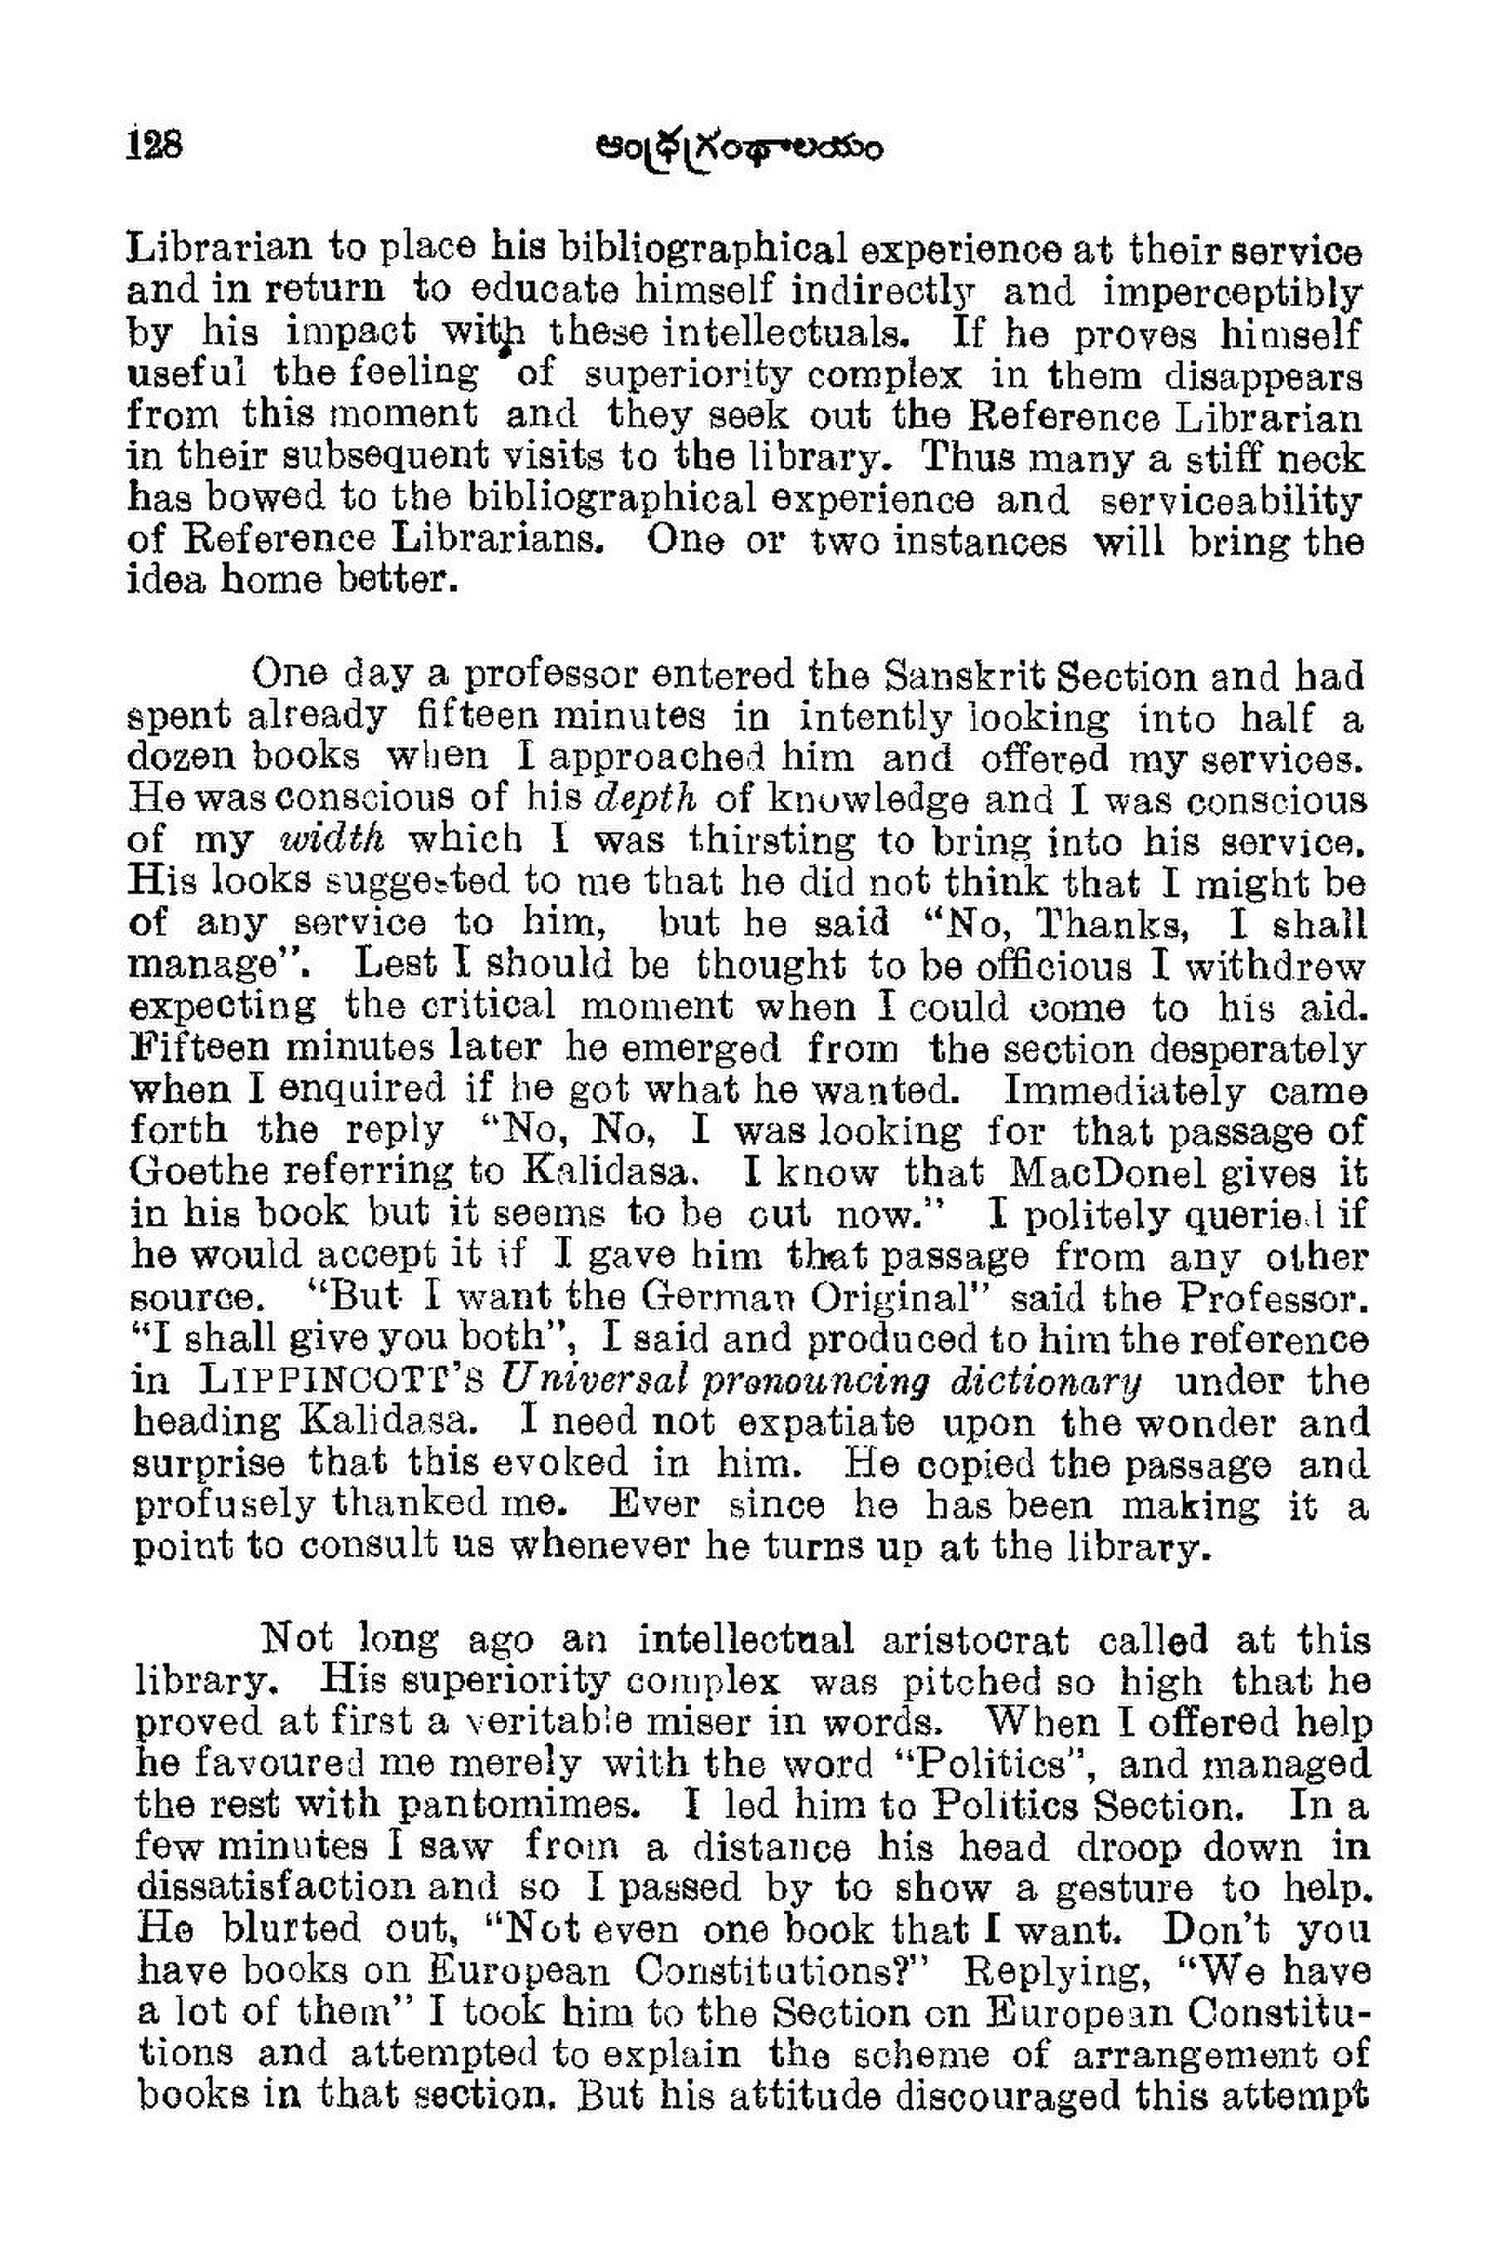Librarian to place his bibliographical experience at their service and in return to educate himself 
indirectly and imperceptibly by his impact with these intellectuals. If he proves himself useful the 
feeling of superiority complex in them disappears from this moment and they seek out the Reference 
Librarian in their subsequent visits to the library. Thus many a stiff neck has bowed to the 
bibliographical experience and serviceability of Reference Librarians. One or two instances will bring 
the idea home better.

One day a professor entered the Sanskrit Section and had spent already fifteen minutes in intently 
looking into half a dozen books when I approached him and offered my services. He was conscious of 
his depth of knowledge and I was conscious of my width which I was thirsting to bring into his service.
His looks suggested to me that he did not think that I might be of any service to him, but he said "No, 
Thanks, I shall manage". Lest I should be thought to be officious I withdrew expecting the critical 
moment when I could come to his aid. Fifteen minutes later he emerged from the section desperately
when I enquired if he got what he wanted. Immediately came forth the reply "No, No, I was looking for 
that passage of Goethe referring to Kalidasa. I know that MacDonel gives it in his book but it seems 
to be cut now." I politely queried if he would accept it if I gave him that passage from any other
source. "But I want the German Original" said the Professor. "I shall give you both", I said and 
produced to him the reference in LIPPINCOTT's Universal pronouncing dictionary under the heading 
Kalidasa. I need not expatiate upon the wonder and surprise that this evoked in him. He copied the 
passage and profusely thanked me. Ever since he has been making it a point to consult us whenever 
he turns up at the library.

Not long ago an intellectual aristocrat called at this library. His superiority complex was pitched 
so high that he proved at first a veritable miser in words. When I offered help he favored me merely 
with the word "Politics", and managed the rest with pantomimes. I led him to Politics Section. In a
few minutes I saw from a distance his head droop down in dissatisfaction and so I passed by to show 
a gesture to help. He blurted out, "Not even one book that I want. Don't you have books on European 
Constitutions?" Replying, "We have a lot of them" I took him to the Section on European Constitutions 
and attempted to explain the scheme of arrangement of books in that section. But his attitude 
discouraged this attempt